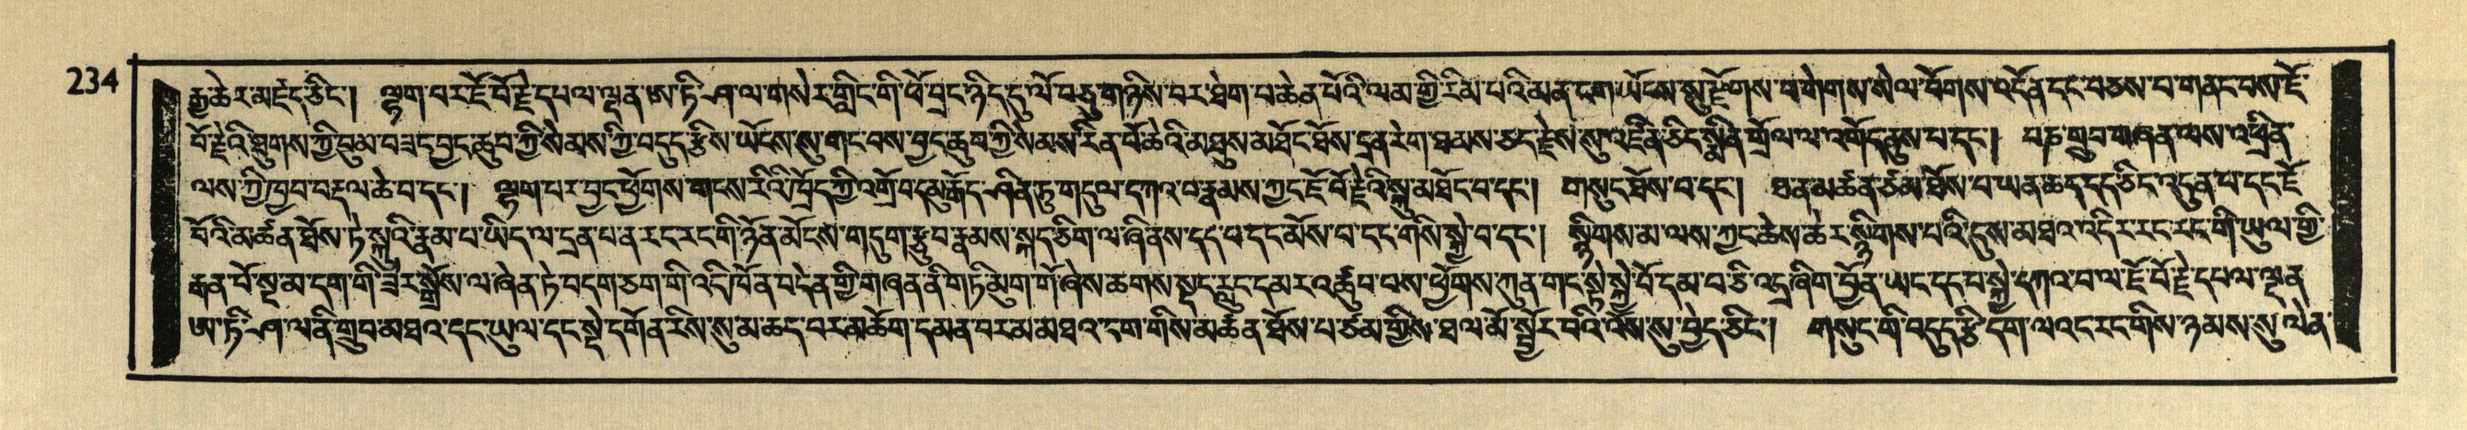རྒྱ་ཆེར་མཛད་ཅིང་། ལྷག་བར་ཇོ་བོ་རྗེ་དཔལ་ལྡན་ཨ་ཏི་ཤ་ལ་གསེར་གླིང་གི་ཕོ་བྲང་ཉིད་དུ་ལོ་བཅུ་གཉིས་བར་ཐེག་པ་ཆེན་པོའི་ལམ་གྱི་རིམ་པའི་མན་ངག་ཡོངས་སུ་རྫོགས་བ་གེགས་སེལ་བོགས་འདོན་དང་བཅས་པ་གནང་བས་ཇོ་
བོ་རྗེའི་ཐུགས་ཀྱི་བུམ་བཟང་བྱང་ཆུབ་ཀྱི་སེམས་ཀྱི་བདུད་རྩིས་ཡོངས་སུ་གང་བས་བྱང་ཆུབ་ཀྱི་སེམས་རིན་པོ་ཆེའི་མཐུས་མཐོང་ཐོས་དྲན་རེག་ཐམས་ཅད་རྗེས་སུ་འཛིན་ཅིང་སྨིན་གྲོལ་ལ་འགོད་ནུས་པ་དང་། པཎ་གྲུབ་གཞན་ལས་འཕྲིན་
ལས་ཀྱི་ཁྱབ་བརྡལ་ཆེ་བ་དང་། ལྷག་པར་བྱང་ཕྱོགས་གངས་རིའི་ཁྲོད་ཀྱི་འགྲོ་བ་དམུ་རྒོད་ཤིན་ཏུ་གདུལ་དཀའ་བ་རྣམས་ཀྱང་ཇོ་བོ་རྗེའི་སྐུ་མཐོང་བ་དང་། གསུང་ཐོས་བ་དང་། ཐ་ན་མཚན་ཙམ་ཐོས་པ་ཡན་ཆད་དང་ཅིང་འདུན་པ་དང་ཇོ་
བོའི་མཚན་ཐོས་ཏེ་སྐུའི་རྣམ་པ་ཡིད་ལ་དྲན་པ་ན་རང་རང་གི་ཉོན་མོངས་གདུག་རྩུབ་རྣམས་སྐད་ཅིག་ལ་ཞི་ནས་དད་པ་དང་མོས་བ་ངང་གིས་སྐྱེ་བ་དང་། སྙིགས་མ་ལས་ཀྱང་ཆེས་ཆེར་སྙིགས་པའི་དུས་མཐའ་འདིར་རང་རང་གི་ཡུལ་གྱི་
རྒན་པོ་སྔ་མ་དག་གི་ཟེར་སྒྲོས་ལ་ཞེན་ཏེ་བདག་ཅག་གི་འདི་ཁོ་ན་བདེན་གྱི་གཞན་ནི་གཏི་མུག་གོ་ཞེས་ཆགས་སྡང་རླུང་དམར་འཚུབ་པས་ཕྱོགས་ཀུན་གང་སྟེ་སྐྱེ་བོ་དམ་པ་ཅི་འདྲ་ཞིག་བྱོན་ཡང་དད་པ་སྐྱེ་དཀའ་བ་ལ་ཇོ་བོ་རྗེ་དཔལ་ལྡན་
ཨ་ཏི་ཤ་ལ་ནི་གྲུབ་མཐའ་དང་ཡུལ་དང་སྡེ་དགོན་རིས་སུ་མ་ཆད་བར་མཆོག་དམན་བར་མ་མཐའ་དག་གིས་མཚན་ཐོས་པ་ཙམ་གྱིས་ཐལ་མོ་སྦྱོར་བའི་འོས་སུ་བྱེད་ཅིང་། གསུང་གི་བདུད་རྩི་དག་ལའང་རང་གིས་ཉམས་སུ་ལེན་